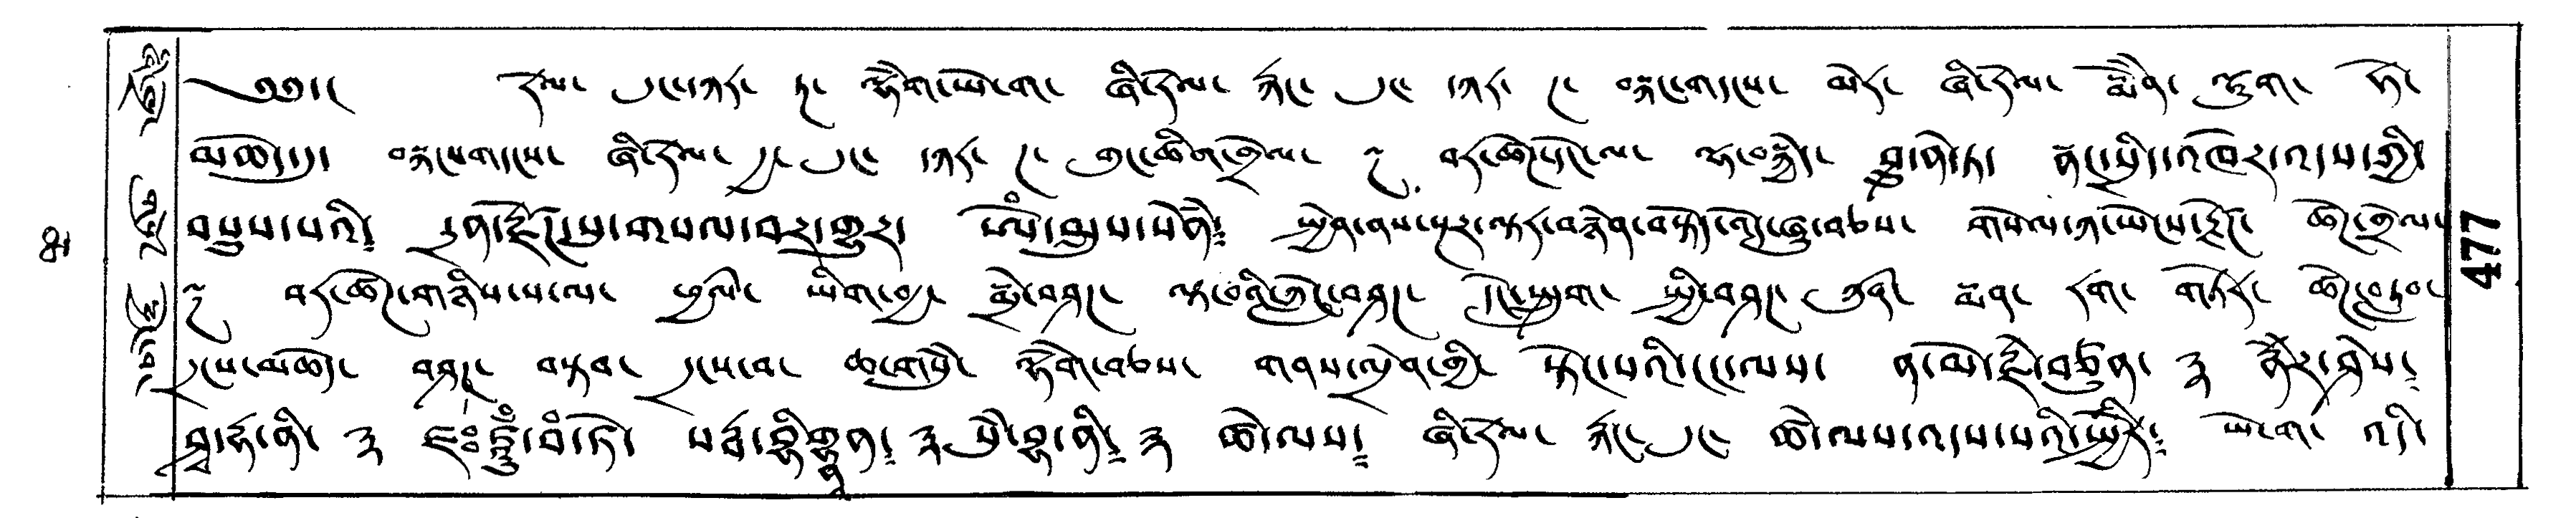རོལ། དུང་དཀར། རྔ། ལྷག་མ་ཡོ་ག་ཞི་རོལ། རྐང་། དུང་། དཀར། ཌཱ། བསྐང་གདངས། མར་མེ། ཞི་རོལ། སྨོན་ལམ། ལྷུག ཧོཿ
མཆོད་དུ༴ བསྐང་གདངས། ཞི་རོལ། རྒྱ། དུང་། དཀར། ཌཱ། གུང་ཚིགས་གྲོལ། ༈ བར་ཚོགས་དང་པོ་ལ། ལྷ་བསྐྱེད། ཤུ་ནྱེ་ཏ༴ སྣང་སྲིད་འཁོར་འདས་ཀྱི་
བསྡུས་པའི༴ དྲན་རྫོགས་སུ་གསལ་བར་གྱུར། ཨོཾ། མ་ལུས་སེམས་ཅན༴ སྤྱན་འདྲེན་ནས་སྔར་ལྟར་བསྙེན་བསྟོད་འོད་ཞུ་བཅས། གསོལ་ཀ་ཡོངས་རྫོགས། ཚོགས་གྲོལ། 
༈ བར་ཚོགས་གཉིས་པ་ལ། ཕྱག་འཚལ། ཡིག་བརྒྱ། སྨྲེ་བཤགས། ལྟ་བའི་ཀློང་བཤགས། དོང་སྤྲུགས། སྤྱི་བཤགས། ཀུན་བཟང་། སྨན། རཀ གཏོར། ཚོགས་རླབ་
དྲངས་མཆོད། བཤགས། བསྟབ། དྲང་བ། ཆ་གསུམ། ལྷག་མ་བཅས། གནས་འདྲེན་གྱི། སྟོང་པའི་ངང་ལས༴ ན་མོ། རྗེ་བཙུན༴ གསུམ། རྣམ་པ་ཤེས༴ 
ཤྭ་དྷ་ནི༴ གསུམ། ཛཿཧཱུྃ་བྃ་ཧོཿ སརྦ་བྷིགྷྣཱན༴ གསུམ། སུམ་བྷ་ནི༴ གསུམ། ཚེ་ལས༴ ཞི་རོལ། རྐང་། དུང་། ཚེ་ལས་འདས་པའི་སྤྱི་བོར༴ ཡོ་ག འདི་